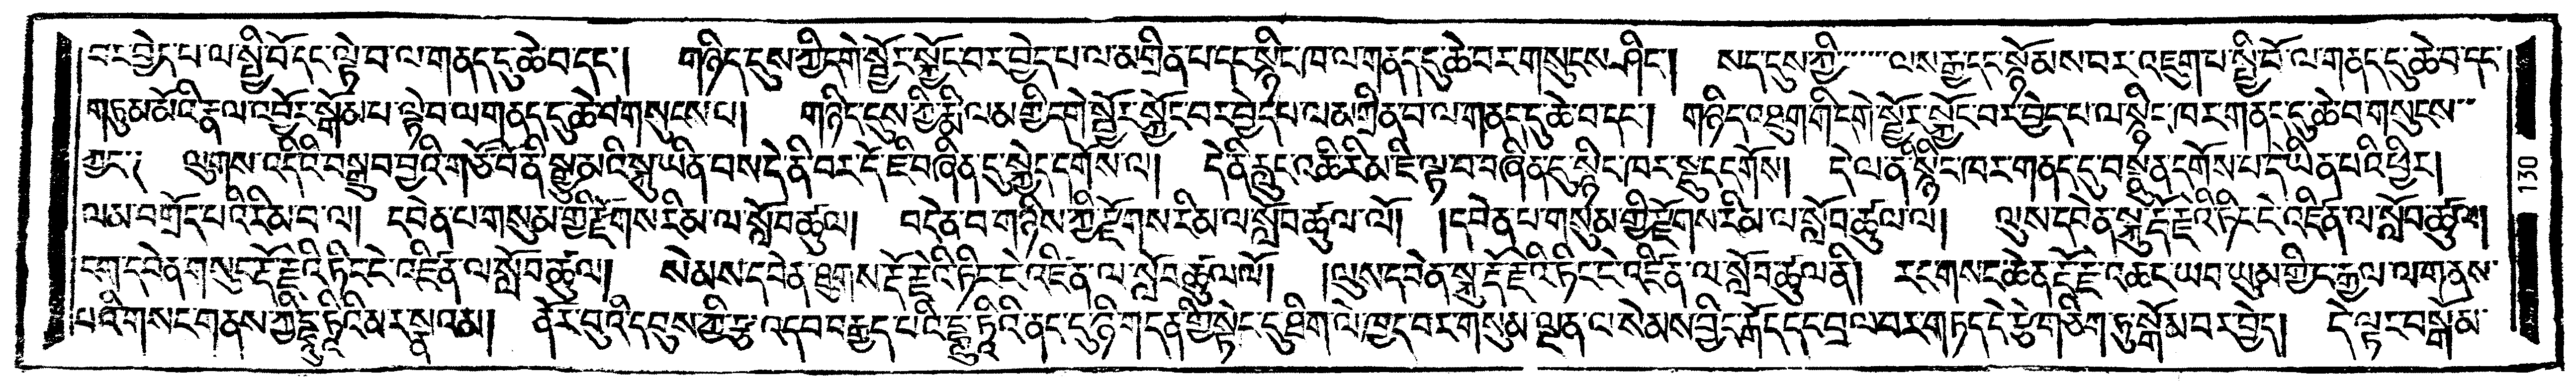པར་བྱེད་པ་ལ་སྤྱི་བོ་དང་ལྟེ་བ་ལ་གནད་དུ་ཆེ་བ་དང་། གཉིད་དུས་ཀྱི་དགེ་སྦྱོར་སྐྱོང་བར་བྱེད་པ་ལ་མགྲིན་པ་དང་སྙིང་ཁ་ལ་གནད་དུ་ཆེ་བར་གསུངས་ཤིང་། སད་དུས་ཀྱི་ལས་རྒྱ་དང་སྙོམས་པར་འཇུག་པ་སྤྱི་བོ་ལ་གནད་དུ་ཆེ་བ་དང་
གཏུམ་མོའི་རྣལ་འབྱོར་སྒོམ་པ་ལྟེ་བ་ལ་གནད་དུ་ཆེ་བ་གསུངས་པ། གཉིད་དུས་ཀྱི་རྨི་ལམ་གྱི་དགེ་སྦྱོར་སྐྱོང་བར་བྱེད་པ་ལ་མགྲིན་པ་ལ་གནང་དུ་ཆེ་བ་དང་། གཉིད་འཐུག་གི་དགེ་སྦྱོར་སྐྱོང་བར་བྱེད་པ་ལ་སྙིང་ཁར་གནད་དུ་ཆེ་བ་གསུངས་
ཀྱང༑ ལུགས་འདིའི་བསྒྲུབ་བྱའི་གཙོ་བོ་ནི་སྒྱུ་མའི་སྐུ་ཡིན་པས་དེ་ནི་བར་དོ་ཇི་བཞིན་དུ་སྐྱེད་དགོས་ལ། དེ་ནི་རླུང་འཆི་རིམ་ཇི་ལྟ་བ་བཞིན་དུ་སྙིང་ཁར་སྡུད་དགོས། དེ་ལ་ནི་སྙིང་ཁར་གནད་དུ་བསྣུན་དགོས་པ་དེ་ཡིན་པའི་ཕྱིར།
ལམ་བགྲོད་པའི་རིམ་པ་ལ། དབེན་པ་གསུམ་གྱི་རྫོགས་རིམ་ལ་སློབ་ཚུལ། བདེན་བ་གཉིས་ཀྱི་རྫོགས་རིམ་ལ་སློབ་ཚུལ་ལོ། །དབེན་པ་གསུམ་གྱི་རྫོགས་རིམ་ལ་སློབ་ཚུལ་ལ། ལུས་དབེན་སྐུ་རྡོ་རྗེའི་ཏིང་ངེ་འཛིན་ལ་སློབ་ཚུལ།
དག་དབེན་གསུང་རྡོ་རྗེའི་ཏིང་ངེ་འཛིན་ལ་སློབ་ཚུལ། སེམས་དབེན་ཐུགས་རྡོ་རྗེའི་ཏིང་ངེ་འཛིན་ལ་སློབ་ཚུལ་ལོ། །ལུས་དབེན་སྐུ་རྡོ་རྗེའི་ཏིང་ངེ་འཛིན་ལ་སློབ་ཚུལ་ནི། རང་གསང་ཆེན་རྡོ་རྗེ་འཆང་ཡབ་ཡུམ་གྱི་ང་རྒྱལ་ལ་གནས་
པའི་གསང་གནས་ཀྱི་དྷཱུ་ཏཱིའི་མར་སྣའམ། ནོར་བུའི་དབུས་ཀྱི་རྩ་འདབ་བརྒྱད་པའི་དྷཱུ་ཏཱིའི་ནང་དུ་ཉི་གདན་གྱི་སྟེང་དུ་ཐིག་ལེ་ཁྱད་པར་གསུམ་ལྡན་ལ་སེམས་བྱིང་རྒོད་དང་བྲལ་བར་གཏད་དེ་རྩེ་གཅིག་ཏུ་སྒོམ་པར་བྱེད། དེ་ལྟར་བསྒོམ་